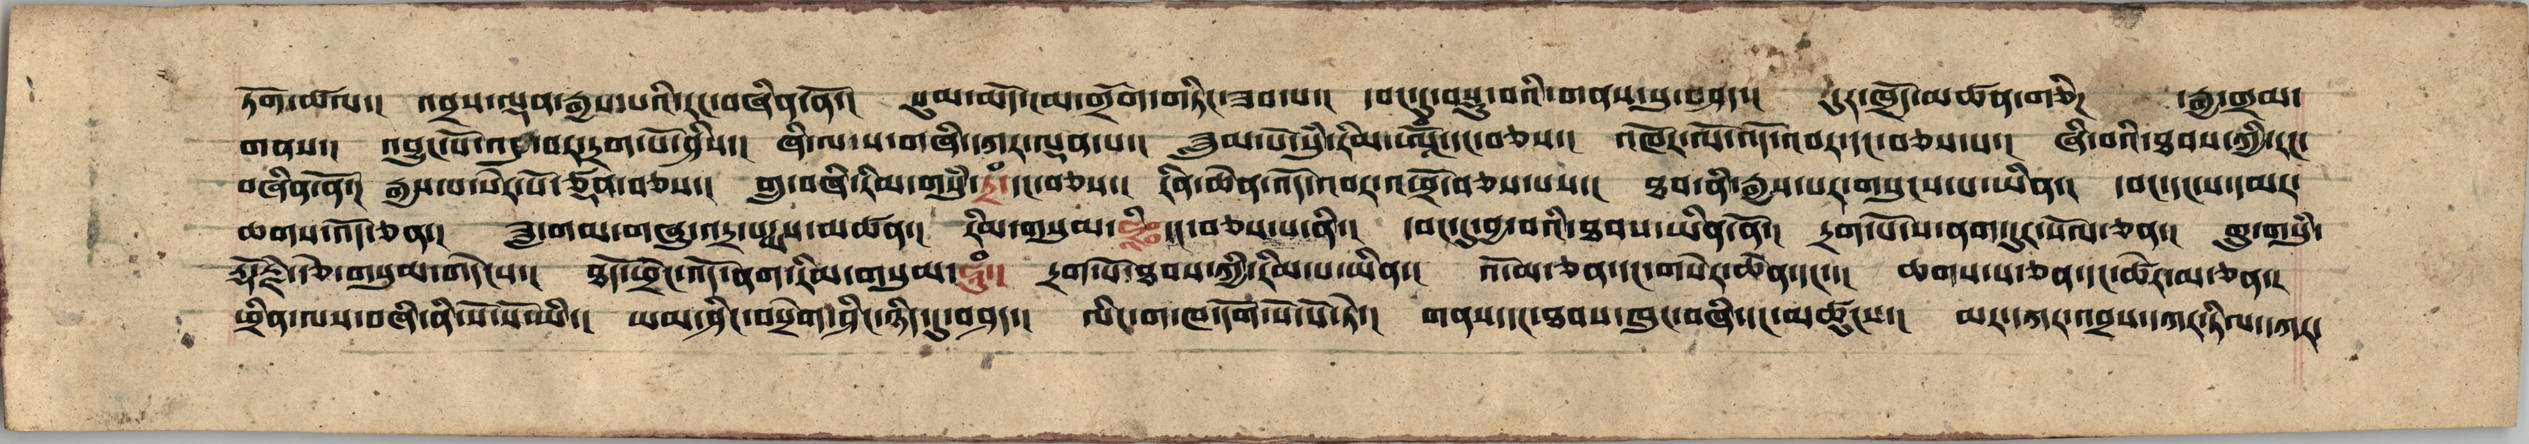ཏོག་ཚལ་། འབྲས་ལྡན་རྒྱས་པའི་རང་བཞིན་ནོ་། སུམ་མདོ་ངམ་གྲོག་གཏིང་ཟབ་པ་། དབང་དུ་བསྡུ་བའི་གནས་སུ་བཤད་། དུར་ཁྲོད་མཚན་གཅིཌ ་རྒྱ་གྲམ་
གནས་། འབྱུང་པོ་འདུ་བར་དྲག་པོ་ཤིས་། ཞི་ལ་ས་གཞི་དཀར་ལྡན་པ་། ཟླུམ་པོ་སུཾ་རིམ་ཨཱོཾ་དང་བཅས་། འཁོར་ལོ་འོད་འབར་དང་བཅས་པ་། ཞི་བའི་ཐབས་ཀྱི་རང་
བཞིན་ནོ་། རྒྱས་བ་སེར་པོ་ཙནྡ་བཅས་། གྲུ་བཞི་རིམ་གསུཾ་ཏྲཾ་དང་བཅས་། རིན་ཆེན་འོད་འབར་འཕྲོ་བཅས་པས་། ཐབ་ནི་རྒྱས་པར་གསུངས་པ་ཡིན་། དབང་དང་ས་དམར་
ཆགས་འོད་ཅན་། ཟླ་གམ་གཞུ་འདྲ་པདྨས་མཚན་། རིམ་གསུམ་ཧྲཱིཿདང་བཅས་པ་ནི་། དབང་དུ་བྱ་བའི་ཐབས་ཡིན་ནོ་། དྲག་པོ་ས་ནག་དུར་སོལ་ཅན་། གྲུ་གསུཾ་
རྡོ་རྗེ་རྩེ་གསུམ་གདེངས་། ཐོད་ཕྲེང་འོད་ནག་རིམ་གསུམ་ཧཱུཾ་། དྲག་པོ་ཐབས་ཀྱི་རིམ་པ་ཡིན་། འོ་མ་ཅན་དང་གསེར་ཆེན་དང་་། ཆགས་པ་ཅན་དང་ཚེར་མ་ཅན་།
ཕྲིན་ལས་བཞི་ནི་སོ་སོ་ཡི་། ཡམ་ཤིང་བསྲེག་ཤིང་ཉིད་དུ་བཤད་། ལིང་ག་ཁ་དོག་སོ་སོ་ཏེ་། གནས་དང་ཐབས་ཁུང་བཞི་དང་མཚུངས་། མར་དཀར་འབྲས་དཀར་ཏིལ་དཀར་